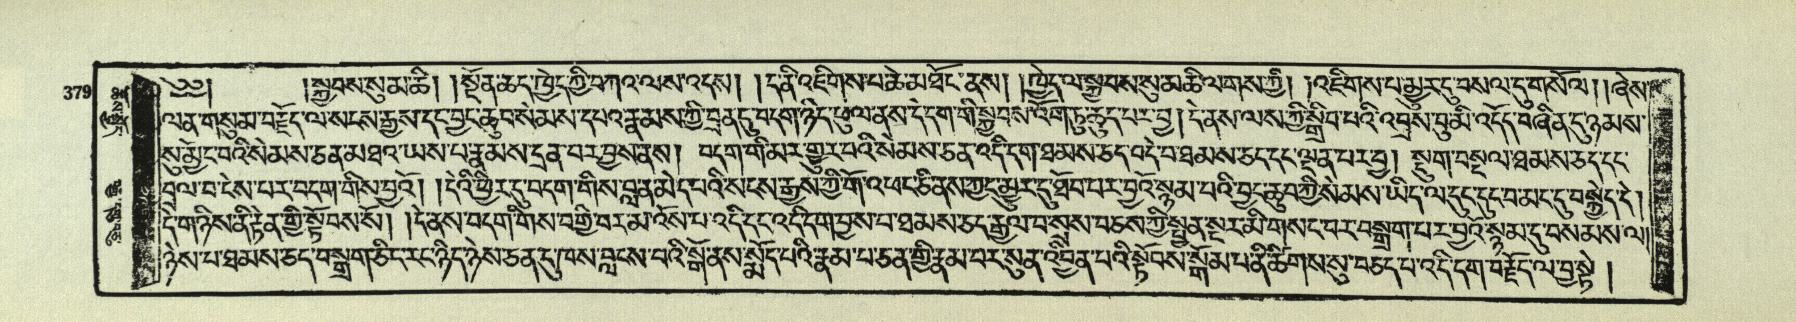༄༅། །སྐྱབས་སུ་མཆི། །སྔོན་ཆད་ཁྱེད་ཀྱི་བཀའ་ལས་འདས། །ད་ནི་འཇིགས་པ་ཆེ་མཐོང་ནས། །ཁྱེད་ལ་སྐྱབས་སུ་མཆི་ལགས་ཀྱི། །འཇིགས་པ་མྱུར་དུ་བསལ་དུ་གསོལ། །ཞེས་
ལན་གསུམ་བརྗོད་ལ་སངས་རྒྱས་དང་བྱང་ཆུབ་སེམས་དཔའ་རྣམས་ཀྱི་བྲན་དུ་བདག་ཉིད་ཕུལ་ནས་དེ་དག་གི་སྐྱབས་འོག་ཏུ་ཆུད་པར་བྱ། དེ་ནས་ལས་ཀྱི་སྒྲིབ་པའི་འབྲས་བུ་མི་འདོད་བཞིན་དུ་ཉམས་
སུ་མྱོང་བའི་སེམས་ཅན་མཐའ་ཡས་པ་རྣམས་དྲན་པར་བྱས་ནས། བདག་གི་མར་གྱུར་བའི་སེམས་ཅན་འདི་དག་ཐམས་ཅད་བདེ་བ་ཐམས་ཅད་དང་ལྡན་པར་བྱ། སྡུག་བསྔལ་ཐམས་ཅད་དང་
བྲལ་བ་ངེས་པར་བདག་གིས་བྱའོ། །དེའི་ཕྱིར་དུ་བདག་གིས་བླ་ན་མེད་པའི་སངས་རྒྱས་ཀྱི་གོ་འཕང་ཅི་ནས་ཀྱང་མྱུར་དུ་ཐོབ་པར་བྱའོ་སྙམ་པའི་བྱང་ཆུབ་ཀྱི་སེམས་ཡིད་ལ་དུང་དུང་བ་མང་དུ་བསྐྱེད་དེ།
དེ་གཉིས་ནི་རྟེན་གྱི་སྟོབས་སོ། །དེ་ནས་བདག་གིས་བགྱི་བར་མ་འོས་པ་འདི་དང་འདི་དག་བྱས་པ་ཐམས་ཅད་རྒྱལ་བ་སྲས་བཅས་ཀྱི་སྤྱན་སྔར་མི་གསང་བར་བསྒྲག་པར་བྱའོ་སྙམ་དུ་བསམས་ལ།
ཉེས་པ་ཐམས་ཅད་བསྒྲག་ཅིང་རང་ཉིད་ཉེས་ཅན་དུ་ཁས་བླངས་པའི་སྒོ་ནས་སྨོད་པའི་རྣམ་པ་ཅན་གྱི་རྣམ་པར་སུན་འབྱིན་པའི་སྟོབས་སྒོམ་པ་ནི་ཚིགས་སུ་བཅད་པ་འདི་དག་བརྗོད་ལ་བྱ་སྟེ་།